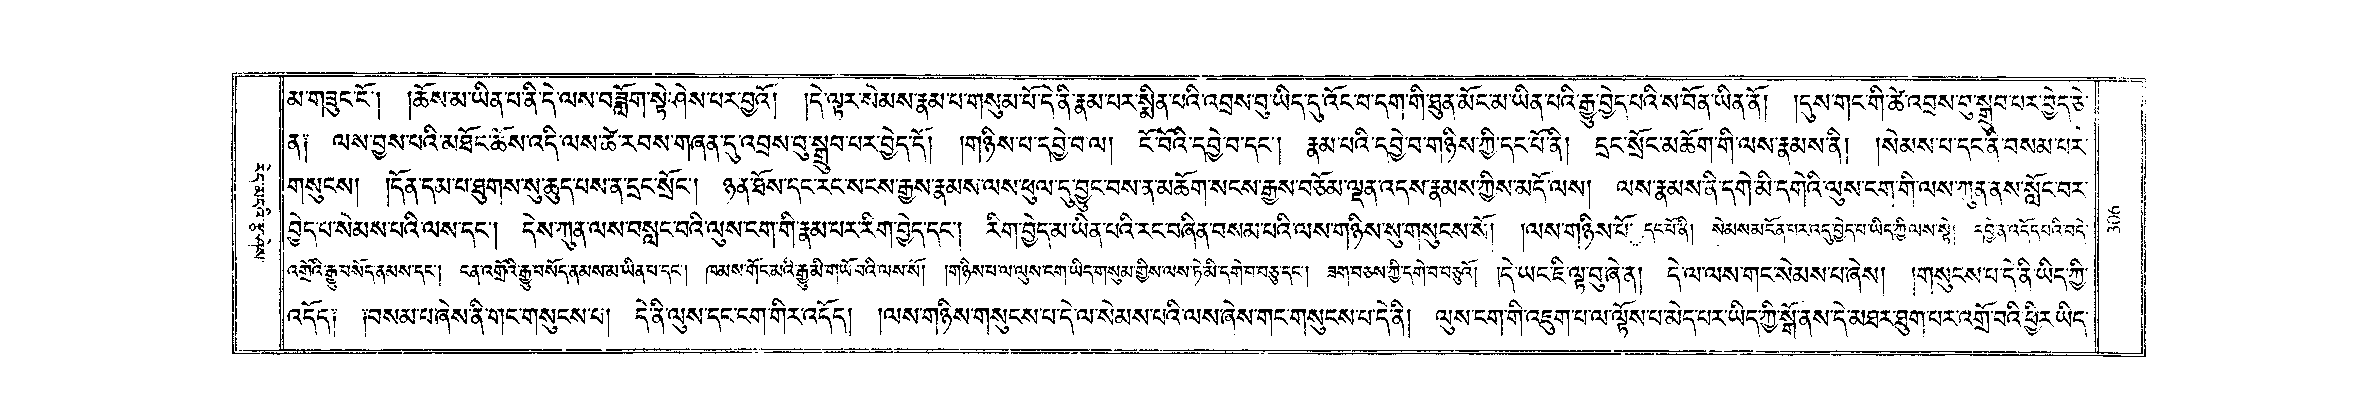མ་གཟུང་ངོ། །ཆོས་མ་ཡིན་པ་ནི་དེ་ལས་བཟློག་སྟེ་ཤེས་པར་བྱའོ། །དེ་ལྟར་སེམས་རྣམ་པ་གསུམ་པོ་དེ་ནི་རྣམ་པར་སྨིན་པའི་འབྲས་བུ་ཡིད་དུ་འོང་བ་དག་གི་ཐུན་མོང་མ་ཡིན་པའི་རྒྱུ་བྱེད་པའི་ས་བོན་ཡིན་ནོ། །དུས་གང་གི་ཚེ་འབྲས་བུ་སྒྲུབ་པར་བྱེད་ཅེ་
ན༑ ལས་བྱས་པའི་མཐོང་ཆོས་འདི་ལས་ཚེ་རབས་གཞན་དུ་འབྲས་བུ་སྒྲུབ་པར་བྱེད་དོ། །གཉིས་པ་དབྱེ་བ་ལ། ངོ་བོའི་དབྱེ་བ་དང་། རྣམ་པའི་དབྱེ་བ་གཉིས་ཀྱི་དང་པོ་ནི། དྲང་སྲོང་མཆོག་གི་ལས་རྣམས་ནི། །སེམས་པ་དང་ན་བསམ་པར་
གསུངས། །དོན་དམ་པ་ཐུགས་སུ་ཆུད་པས་ན་དྲང་སྲོང་། ཉན་ཐོས་དང་རང་སངས་རྒྱས་རྣམས་ལས་ཕུལ་དུ་བྱུང་བས་ན་མཆོག་སངས་རྒྱས་བཅོམ་ལྡན་འདས་རྣམས་ཀྱིས་མདོ་ལས། ལས་རྣམས་ནི་དགེ་མི་དགེའི་ལུས་ངག་གི་ལས་ཀུན་ནས་སློང་བར་
བྱེད་པ་སེམས་པའི་ལས་དང་། དེས་ཀུན་ལས་བསླང་བའི་ལུས་ངག་གི་རྣམ་པར་རིག་བྱེད་དང་། རིག་བྱེད་མ་ཡིན་པའི་རང་བཞིན་བསམ་པའི་ལས་གཉིས་སུ་གསུངས་སོ། །ལས་གཉིས་པོ་དང་པོ་ནི། སེམས་མངོན་པར་འདུ་བྱེད་པ་ཡིད་ཀྱི་ལས་སྟེ། དབྱེ་ན་འདོད་པའི་བདེ་
འགྲོའི་རྒྱུ་བསོད་ནམས་དང་། ངན་འགྲོའི་རྒྱུ་བསོད་ནམས་མ་ཡིན་པ་དང་། ཁམས་གོང་མའི་རྒྱུ་མི་གཡོ་བའི་ལས་སོ། །གཉིས་པ་ལ་ལུས་ངག་ཡིད་གསུམ་གྱིས་ལས་ཏེ་མི་དགེ་བ་བཅུ་དང་། ཟག་བཅས་ཀྱི་དགེ་བ་བཅུའོ། །དེ་ཡང་ཇི་ལྟ་བུ་ཞེ་ན། དེ་ལ་ལས་གང་སེམས་པ་ཞེས། །གསུངས་པ་དེ་ནི་ཡིད་ཀྱི་
འདོད༑ ༑བསམ་པ་ཞེས་ནི་གང་གསུངས་པ། དེ་ནི་ལུས་དང་ངག་གིར་འདོད། །ལས་གཉིས་གསུངས་པ་དེ་ལ་སེམས་པའི་ལས་ཞེས་གང་གསུངས་པ་དེ་ནི། ལུས་ངག་གི་འཇུག་པ་ལ་ལྟོས་པ་མེད་པར་ཡིད་ཀྱི་སྒོ་ནས་དེ་མཐར་ཐུག་པར་འགྲོ་བའི་ཕྱིར་ཡིད་